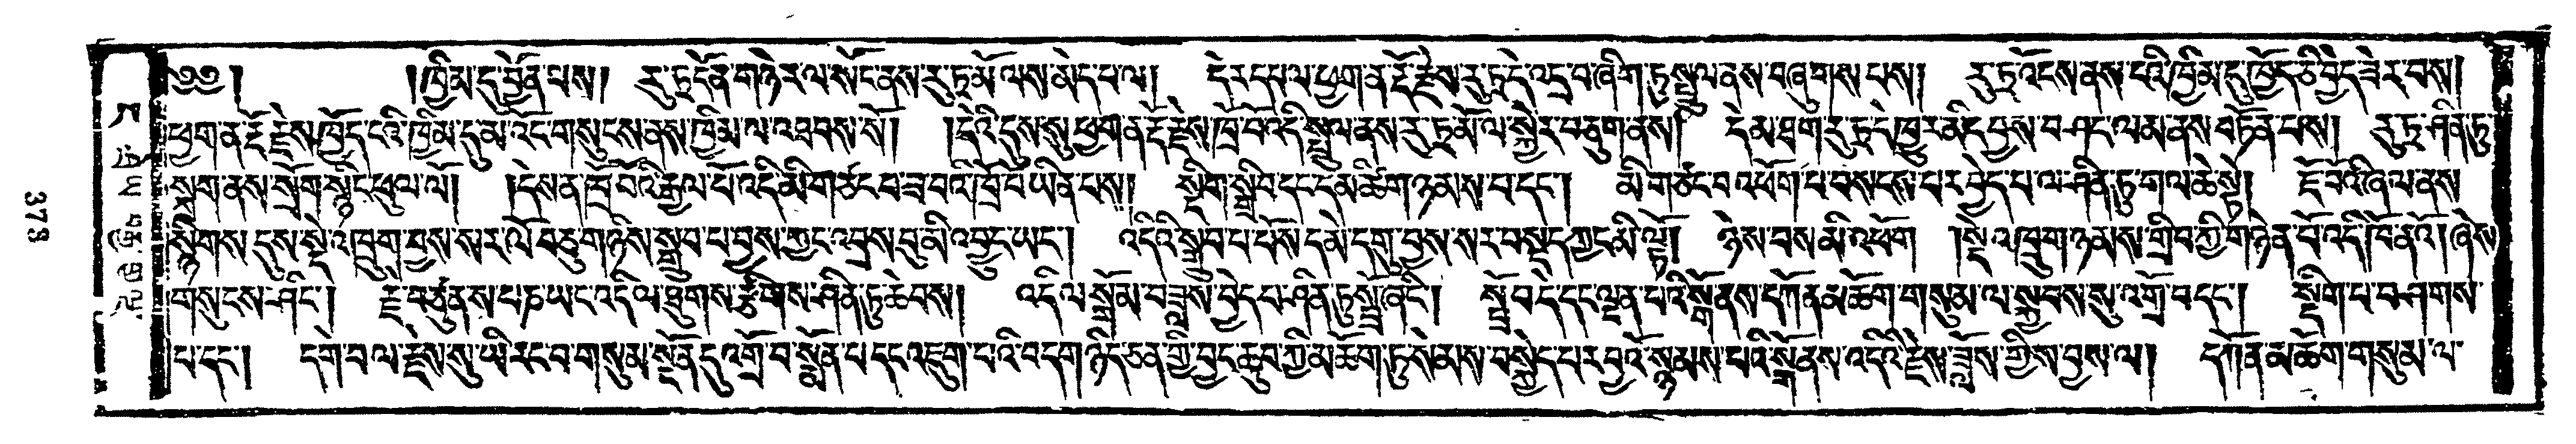༄༅། །ཁྱིམ་དུ་བྱོན་པས། །རུ་ཏྲ་དོན་གཉེར་ལ་སོང་ནས་རུ་ཏྲ་མོ་ལས་མེད་པ་ལ། དེར་དཔལ་ཕྱག་ན་རྡོ་རྗེས་རུ་ཏྲ་དེ་འདྲ་བ་ཞིག་ཏུ་སྤྲུལ་ནས་བཞུགས་པས། །རུ་ཏྲ་འོངས་ནས་ངའི་ཁྱིམ་དུ་ཁྱོད་ཅི་བྱེད་ཟེར་བས།
ཕྱག་ན་རྡོ་རྗེས་ཁྱོད་པའི་ཁྱིམ་དུ་མ་འོང་གསུངས་ནས་ཁྱིམ་ལ་འཐབས་སོ། །དེའི་དུས་སུ་ཕྱག་ན་རྡོ་རྗེས་ཁྲོད་བོ་འདི་སྤྲུལ་ནས་རུ་ཏྲ་མོ་ལ་སྐྱེར་བཅུ་གནས། །དེ་མ་ཐག་རུ་ཏྲ་དེ་ཁྱུར་མིད་བྱས་བཤང་ལམ་ནས་བཏོན་པས། །རུ་ཏྲ་ཤིན་ཏུ་
སྐྲག་ནས་སྲོག་སྙིང་ཕུལ་ལོ། །དེས་ན་ཁྲོ་བོའི་རྒྱལ་པོ་འདི་མི་གཙང་བ་ཟ་བའི་ཁྲོ་བོ་ཡིན་པས། སྡིག་སྒྲིབ་དང་དམ་ཚིག་ཉམས་པ་དང་། །མི་གཙང་པ་འཕོག་པ་བསངས་པར་བྱེད་པ་ལ་ཤིན་ཏུ་གལ་ཆེ་སྟེ། ཇོ་བོའི་ཞལ་ནས།
སྙིགས་དུས་སྡེ་འཁྲུག་བྱས་སར་ལོ་བཅུ་གཉིས་སྒྲུབ་པ་བྱས་ཀྱང་འབྲས་བུ་མི་འབྱུང་ཡང་། །འདིའི་སྒྲུབ་པ་པོས་མེ་དགུ་བྱས་སར་བསྔགས་ཀྱང་མི་ལྟོ། ཉེས་བས་མི་འཕོག །སྡེ་འཁྲུག་ཉམས་གྲིབ་ཀྱི་གཉེན་པོ་འདི་ཁོ་ནའོ། །ཞེས་
གསུངས་ཤིང་། །རྗེ་བཙུན་ས་པཎ་ཡང་འདི་ལ་ཐུགས་རྩིགས་ཤིན་ཏུ་ཆེ་བས། །འདི་ལ་སྒོམ་བཟླས་བྱེད་པ་ཤིན་ཏུ་སྦྲོ་ཞིང་། །སྦྲོ་བ་དེ་དང་ལྡན་པའི་སྒོ་ནས་དཀོན་མཆོག་གསུམ་ལ་སྐྱབས་སུ་འགྲོ་བ་དང་། །སྡིག་པ་བཤགས་
པ་དང་། དགེ་པ་ལ་རྗེས་སུ་ཡི་རང་བ་གསུམ་སྔོན་དུ་འགྲོ་བ་སྨོན་པ་དང་འཇུག་པའི་བདག་ཉིད་ཅན་གྱི་བྱང་ཆུབ་ཀྱི་མཆོག་ཏུ་སེམས་བསྐྱེད་པར་བྱའོ་སྙམས་པའི་སྒོ་ནས་འདིའི་རྗེས་ཟློས་ཀྱིས་བྱས་ལ། དཀོན་མཆོག་གསུམ་ལ་